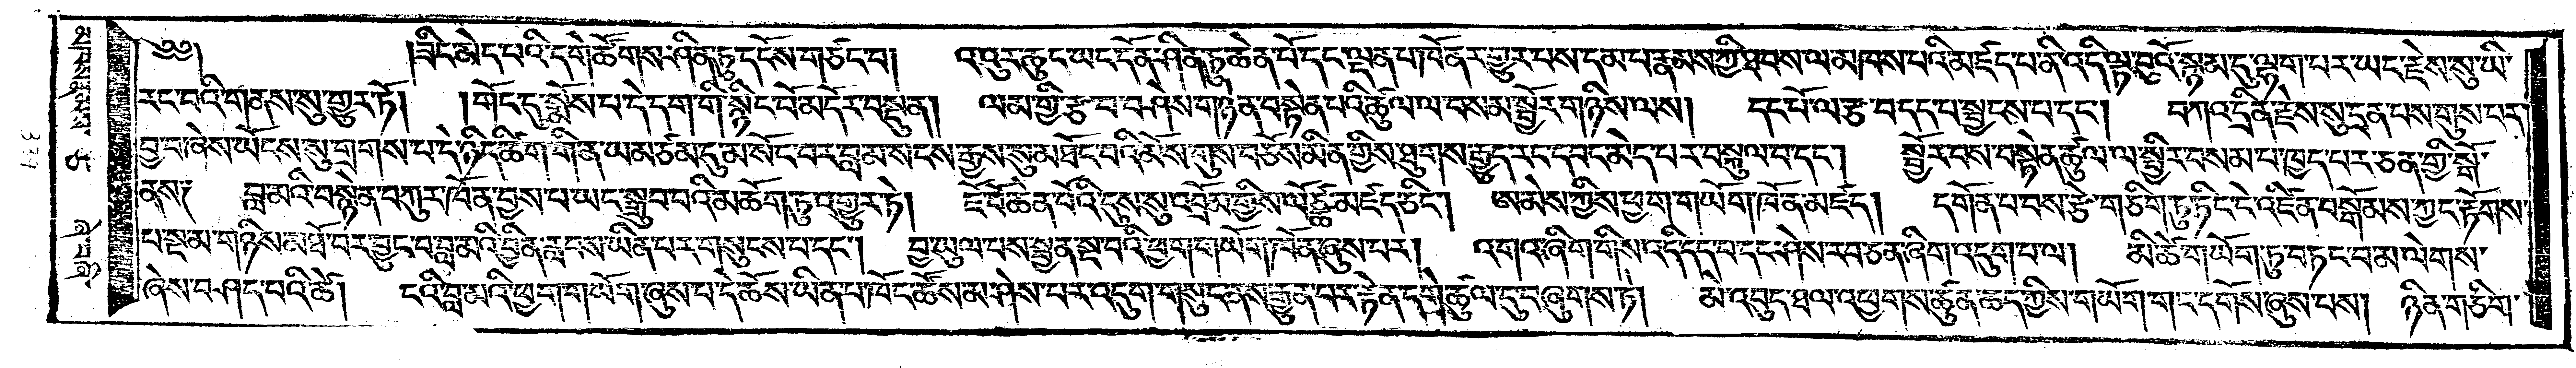༄༅། །ཟིང་མེད་པའི་དགེ་ཚོགས་ཤིན་ཏུ་དངོས་གཙང་བ། འབུར་ཆུང་ཡང་དོན་ཤིན་ཏུ་ཆེན་པོ་དང་ལྡན་པ་ཁོ་ནར་གྱུར་པས་དམ་པ་རྣམས་ཀྱི་ཐབས་ལ་མཁས་པའི་མཛད་པ་ནི་འདི་ལྟ་བུའོ་སྙམ་དུ་ལྷག་པར་ཡང་རྗེས་སུ་ཡེ་
རང་བའི་གནས་སུ་གྱུར་ཏོ། །གོང་དུ་སྨོས་པ་དེ་དག་གི་སྙིང་པོ་མདོར་བསྡུ་ན། ལམ་གྱི་རྩ་བ་བཤེས་གཉེན་བསྟེན་པའི་ཚུལ་ལ་བསམ་སྦྱོར་གཉིས་ལས། དང་པོ་ལ་རྩ་བ་དད་པ་སྦྱངས་པ་དང་། བཀའ་དྲིན་རྗེས་སུ་དྲན་པས་གུས་པར་
བྱ་བ་ཞེས་ཡོངས་སུ་གྲགས་པ་དེ་ཉིད་ཚིག་གི་ན་ཡམ་ཙམ་དུ་མ་སོང་བར་བླ་མ་སངས་རྒྱས་སུ་མཐོང་བའི་མོས་གུས་བཅོས་མིན་གྱིས་ཐུགས་རྒྱུད་རང་དབང་མེད་པར་བསྐུལ་བ་དང་། སྦྱོར་བས་བསྟེན་ཚུལ་ལ་སྤྱིར་བསམ་པ་ཁྱད་པར་ཅན་གྱི་སྒོ་
ནས། བླ་མའི་བསྙེན་བཀུར་ཁོ་ན་བྱས་པ་ཡང་སྒྲུབ་པའི་མཆོག་ཏུ་འགྱུར་ཏེ། ཇོ་བོ་ཆེན་པོའི་དུས་སུ་འབྲོམ་གྱིས་ལོཙྪ་མཛད་ཅིང་། ཨ་མེས་ཀྱིས་ཕྱག་གཡོག་ཁོ་ན་མཛད། དགོན་པ་བས་རྩེ་གཅིག་ཏུ་ཏིང་ངེ་འཛིན་བསྒོམས་ཀྱང་རྟོགས་
པ་སྔ་མ་གཉིས་མཐོ་བར་བྱུང་བ་བླ་མའི་བྱིན་རླབས་ཡིན་པར་གསུངས་པ་དང་། བྱ་ཡུལ་པས་སྤྱན་སྔ་བའི་ཕྱག་གཡོག་ཁོ་ན་ཞུས་པར། འགའ་ཞིག་གིས་འདི་དད་པ་དང་ཤེས་རབ་ཅན་ཞིག་འདུག་པ་ལ། མི་ཚེ་གཡོག་ཏུ་བཏང་བ་མ་ལེགས་
ཞེས་བཤད་པའི་ཚེ། ངའི་བླ་མའི་ཕྱག་གཡོག་ཞུས་པ་དེ་ཆོས་ཡིན་པ་ཁོང་ཚོས་མ་ཤེས་པར་འདུག་གསུང་ནས་རྒྱུན་པར་རྟེན་དགེ་ཚུལ་དུ་བཞུགས་ཏེ། མེ་འབུད་ཐལ་འཕྱགས་ཚུན་ཆད་ཀྱིས་གཡོག་གང་དགོས་ཞུས་པས། ཉིན་གཅིག་